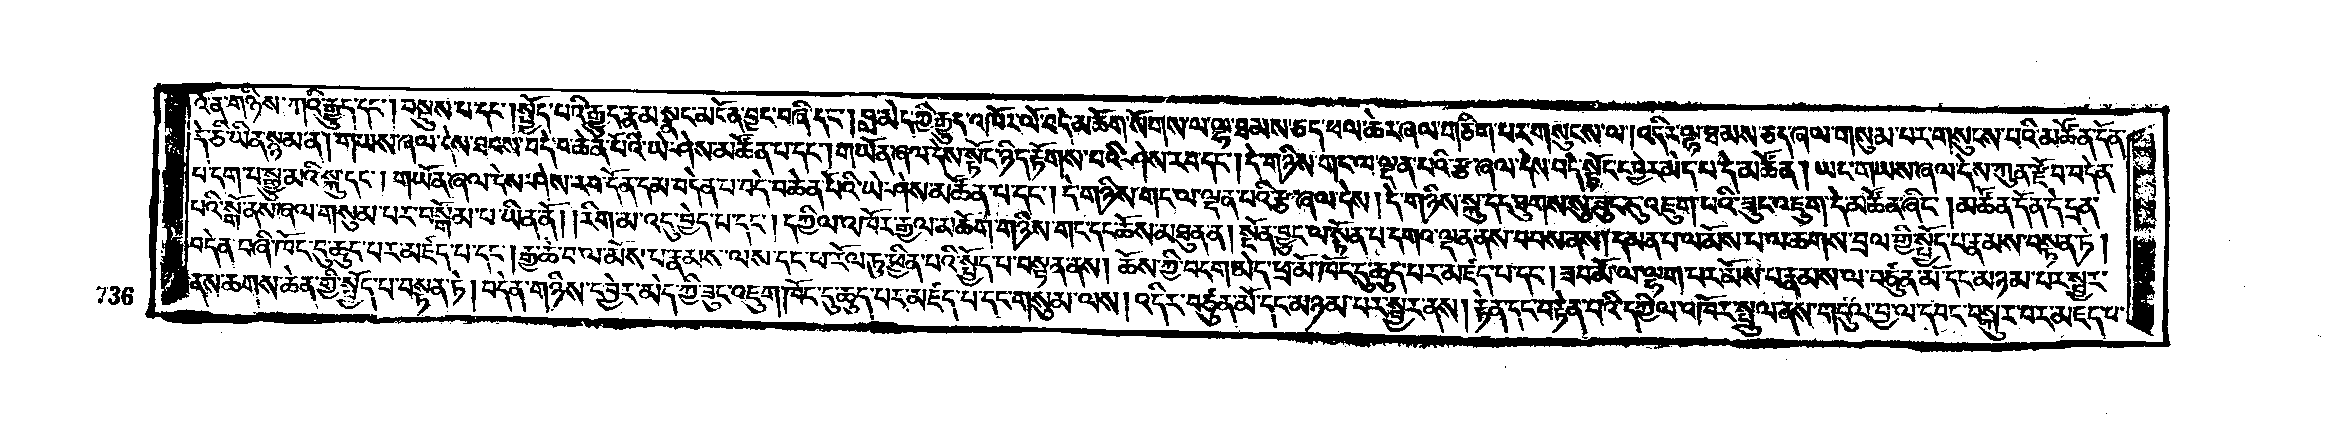འོ་ན་གཉིས་ཀའི་རྒྱུད་དང་། བསྡུས་པ་དང་། སྤྱོད་པའི་རྒྱུད་རྣམ་སྣང་མངོན་བྱང་བཞི་དང་། བླ་མེད་ཀྱི་རྒྱུད་འཁོར་ལོ་བདེ་མཆོག་སོགས་ལ་ལྷ་ཐམས་ཅད་ཕལ་ཆེར་ཞལ་གཅིག་པར་གསུངས་ལ། འདིར་ལྷ་ཐམས་ཅད་ཞལ་གསུམ་པར་གསུངས་པའི་མཚན་དོན་
དེ་ཅི་ཡིན་སྙམ་ན། གཡས་ཞལ་དེས་ཐབས་བདེ་བ་ཆེན་པོའི་ཡེ་ཤེས་མཚོན་པ་དང་། གཡོན་ཞལ་དེས་སྟོང་ཉིད་རྟོགས་པའི་ཤེས་རབ་དང་། དེ་གཉིས་གང་ལ་ལྡན་པའི་རྩ་ཞལ་དེས་བདེ་སྟོང་དབྱེར་མེད་པ་དེ་མཚོན། ཡང་གཡས་ཞལ་དེས་ཀུན་རྫོབ་བདེན་
པ་དག་པ་སྒྱུ་མའི་སྐུ་དང་། གཡོན་ཞལ་དེས་ཤེས་རབ་དོན་དམ་བདེན་པ་བདེ་བ་ཆེན་པོའི་ཡེ་ཤེས་མཚོན་པ་དང་། དེ་གཉིས་གང་ལ་ལྡན་པའི་རྩ་ཞལ་དེས། དེ་གཉིས་སྐུ་དང་ཐུགས་སུ་ཟུང་དུ་འཇུག་པའི་ཟུང་འཇུག་དེ་མཚོན་ཞིང་། མཚོན་དོན་དེ་དྲན་
པའི་སྒོ་ནས་ཞལ་གསུམ་པར་བསྒོམ་པ་ཡིན་ནོ། །རིག་མ་འདུ་བྱེད་པ་དང་། དཀྱིལ་འཁོར་རྒྱལ་མཆོག་གཉིས་གང་དང་ཆོས་མཐུན་ན། སྔོན་བྱུང་ལ་སྟོན་པ་དགའ་ལྡན་ནས་བབས་ནས། དམན་པ་ལ་མོས་པ་ལ་ཆགས་བྲལ་གྱི་སྤྱོད་པ་རྣམས་བསྟན་ཏེ།
བདེན་བཞི་ཁོང་དུ་ཆུད་པར་མཛད་པ་དང་། རྒྱ་ཆེ་བ་ལ་མོས་པ་རྣམས་ལས་དང་ཕ་རོལ་ཏུ་ཕྱིན་པའི་སྤྱོད་པ་བསྟན་ནས། ཆོས་ཀྱི་བདག་མེད་ཕྲ་མོ་ཁོང་དུ་ཆུད་པར་མཛད་པ་དང་། ཟབ་མོ་ལ་ལྷག་པར་མོས་པ་རྣམས་ལ་བཙུན་མོ་དང་མཉམ་པར་སྦྱར་
ནས་ཆགས་ཆེན་གྱི་སྤྱོད་པ་བསྟན་ཏེ། བདེན་གཉིས་དབྱེར་མེད་ཀྱི་ཟུང་འཇུག་ཁོང་དུ་ཆུད་པར་མཛད་པ་དང་གསུམ་ལས། འདིར་བཙུན་མོ་དང་མཉམ་པར་སྦྱར་ནས། རྟེན་དང་བརྟེན་པའི་དཀྱིལ་འཁོར་སྤྲུལ་ནས་གདུལ་བྱ་ལ་དབང་བསྐུར་བར་མཛད་པ་